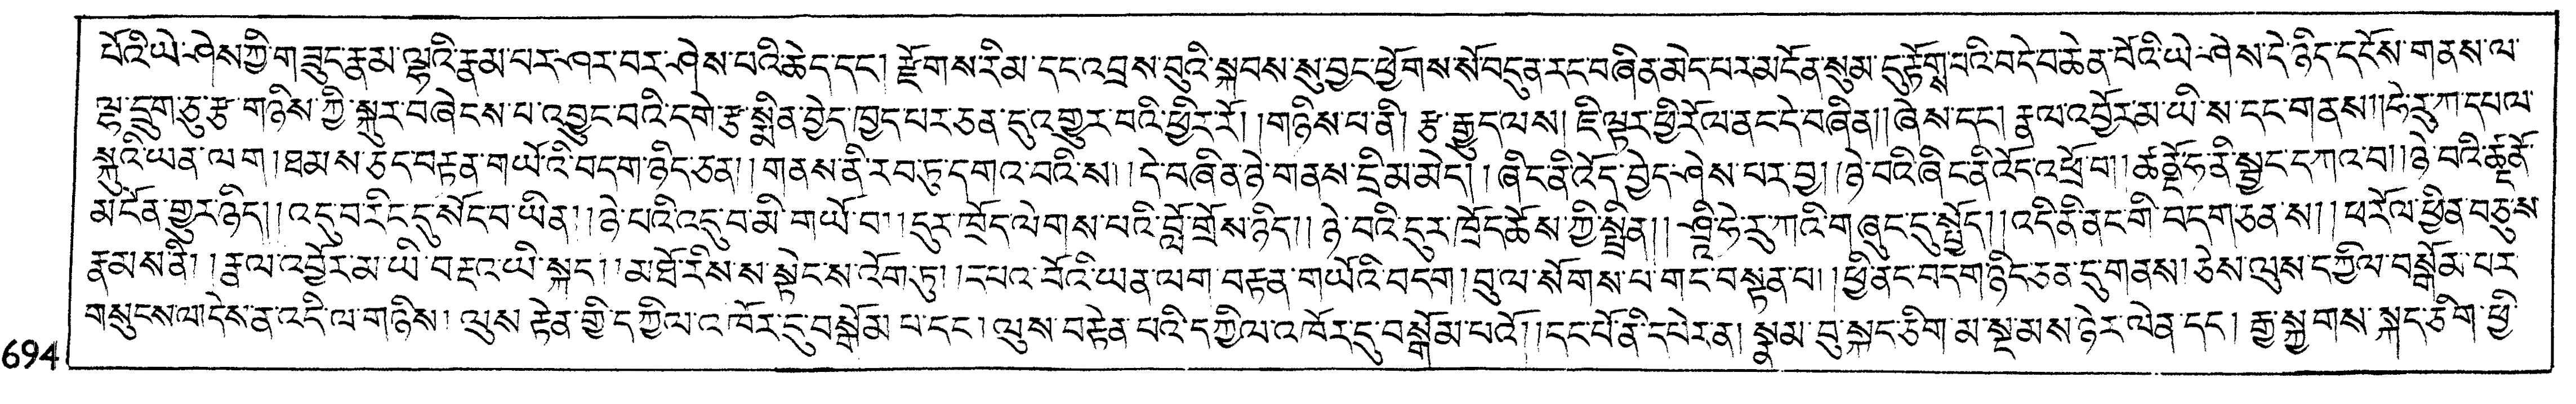པོའི་ཡེ་ཤེས་ཀྱི་གཟུང་རྣམ་ལྷའི་རྣམ་པར་ཤར་བར་ཤེས་པའི་ཆེད་དང་། རྫོགས་རིམ་དང་འབྲས་བུའི་སྐབས་སུ་བྱང་ཕྱོགས་སོ་བདུན་རང་བཞིན་མེད་པར་མངོན་སུམ་དུ་རྟོགས་པའི་བདེ་བ་ཆེན་པོའི་ཡེ་ཤེས་དེ་ཉིད་དངོས་གནས་ལ་
ལྷ་དྲུག་ཅུ་རྩ་གཉིས་ཀྱི་སྐུར་བཞེངས་པ་འབྱུང་བའི་དགེ་རྩ་སྨིན་བྱེད་ཁྱད་པར་ཅན་དུ་འགྱུར་བའི་ཕྱིར་རོ། །གཉིས་པ་ནི། རྩ་རྒྱུད་ལས། ཇི་ལྟར་ཕྱི་རོལ་ནང་དེ་བཞིན། །ཞེས་དང་། རྣལ་འབྱོར་མ་ཡི་ས་དང་གནས། །ཧེ་རུ་ཀ་དཔལ་
སྐུའི་ཡན་ལག །ཐམས་ཅད་བརྟན་གཡོའི་བདག་ཉིད་ཅན། །གནས་ནི་རབ་ཏུ་དགའ་བའི་ས། །དེ་བཞིན་ཉེ་གནས་དྲི་མ་མེད། །ཞིང་ནི་འོད་བྱེད་ཤེས་པར་བྱ། །ཉེ་བའི་ཞིང་ནི་འོད་འཕྲོ་བ། །ཚནྡོ་ཧ་ནི་སྦྱང་དཀའ་བ། །ཉེ་བའི་ཚདྣོ་
མངོན་གྱུར་ཉིད། །འདུ་བ་རིང་དུ་སོང་བ་ཡིན། །ཉེ་པའི་འདུ་བ་མི་གཡོ་བ། །དུར་ཁྲོད་ལེགས་པའི་བློ་གྲོས་ཉིད། །ཉེ་བའི་དུར་ཁྲོད་ཆོས་ཀྱི་སྤྲིན། །ཤྲཱི་ཧེ་རུ་ཀའི་གཞུང་དུ་སྤྱོད། །འདི་ནི་ནང་གི་བདག་ཅན་ས། །ཕ་རོལ་ཕྱིན་བཅུ་ས་
རྣམས་ནི། །རྣལ་འབྱོར་མ་ཡི་བརྡའ་ཡི་སྐད། །མཐོ་རིས་ས་སྟེང་ས་འོག་ཏུ། །དཔའ་བོའི་ཡན་ལག་བརྟན་གཡོའི་བདག །བུ་ལ་སོགས་པ་གང་བསྟན་པ། །ཕྱི་ནང་བདག་ཉིད་ཅན་དུ་གནས། ཅེས་ལུས་དཀྱིལ་བསྒོམ་པར་
གསུངས་ལ། དེས་ན་འདི་ལ་གཉིས། ལུས་རྟེན་གྱི་དཀྱིལ་འཁོར་དུ་བསྒོམ་པ་དང་། ལུས་བརྟེན་པའི་དཀྱིལ་འཁོར་དུ་བསྒོམ་པའོ། །དང་པོ་ནི་དཔེར་ན། སྣམ་བུ་སྐད་ཅིག་མ་སྔ་མས་ཉེར་ལེན་དང་། རྒྱ་སྐྱགས་སྐད་ཅིག་ཕྱི་